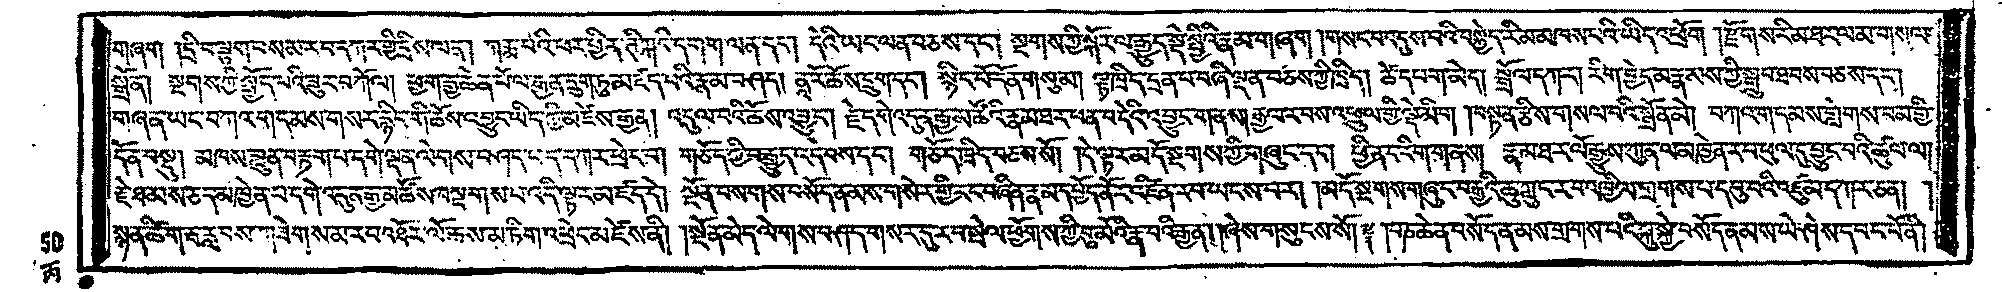གཞག །དྲི་བ་ལྷག་བསམ་རབ་དཀར་གྱི་དྲིས་ལན། ཀརྨ་པའི་ཕར་ཕྱིན་ཊིཀྐའི་དགག་ལན་དང་། དེའི་ཡང་ལན་བཅས་དང་། སྔགས་ཀྱི་སྐོར་ལ་རྒྱུད་སྡེ་སྤྱིའི་རྣམ་གཞག །གསང་བ་འདུས་པའི་བསྐྱེད་རིམ་མཁས་པའི་ཡིད་འཕྲོག །རྫོགས་རིམ་ཐར་ལམ་གསལ་
སྒྲོན། སྔགས་ཀྱི་སྤྱོད་པའི་ཟུར་བཀོལ། ཕྱག་རྒྱ་ཆེན་པོ་ལ་རྒྱན་དྲུག་ཏུ་མཛད་པའི་རྣམ་བཤད། ནཱ་རོ་ཆོས་དྲུག་དང་། སྙིང་པོ་དོན་གསུམ། ལྟ་ཁྲིད་དྲན་པ་བཞི་ལྡན་བཅས་ཀྱི་ཁྲིད། ཚེ་དཔག་མེད། སྒྲོལ་དཀར། རིག་བྱེད་མ་རྣམས་ཀྱི་སྒྲུབ་ཐབས་བཅས་དང་།
གཞན་ཡང་བཀའ་གདམས་གསར་རྙིང་གི་ཆོས་འབྱུང་ཡིད་ཀྱི་མཛེས་རྒྱན། འདུལ་བའི་ཆོས་འབྱུང་། རྗེ་དགེ་འདུན་རྒྱ་མཚོའི་རྣམ་ཐར་ཕན་བདེའི་འབྱུང་གནས། རྒྱལ་རབས་འཕྲུལ་གྱི་ལྡེ་མིག །བསྟན་རྩིས་གསལ་བའི་སྒྲོན་མེ། བཀའ་གདམས་གླེགས་བམ་གྱི་
དོན་བསྡུ། མཁས་བླུན་བརྟག་པ་དགེ་ལྡན་ལེགས་བཤད་པད་དཀར་ཕྲེང་བ། གཅོད་ཀྱི་བརྒྱུད་འདེབས་དང་། གཅོད་ཁྲིད་བཅས་སོ། །དེ་ལྟར་མདོ་སྔགས་ཀྱི་གཞུང་དང་། ཕྱི་ནང་རིག་གནས། རྣམ་ཐར་ལོ་རྒྱུས་ཀུན་ལ་མཁྱེན་རབ་ཕུལ་དུ་བྱུང་བའི་ཚུལ་ལ།
རྗེ་ཐམས་ཅད་མཁྱེན་པ་དགེ་འདུན་རྒྱ་མཚོས་བསྔགས་པ་འདི་ལྟར་མཛད་དེ། སྔོན་བསགས་བསོད་ནམས་གསེར་གྱི་རང་བཞིན་རྣམ་དཔྱོད་ནོར་འཛིན་རབ་ཡངས་པར། །མདོ་སྔགས་གཞུང་བརྒྱའི་ཆུ་ཀླུང་རབ་འཁྱིལ་གྲགས་པ་དབུ་བའི་འཛུམ་དཀར་ཅན། །
སྙན་ཚིག་རྦ་རླབས་གཟེགས་མ་རབ་འཐོར་ལོ་རྒྱས་མ་ཏིག་འཕྲེང་མཛེས་ནི། །སྔོན་མེད་ལེགས་བཤད་གསར་དུ་རབ་སྤེལ་ཕྱོགས་ཀྱི་བུ་མོའི་རྣ་བའི་རྒྱན། །ཞེས་གསུངས་སོ། ༈ །པཎ་ཆེན་བསོད་ནམས་གྲགས་པའི་སྐུ་སྐྱེ་བསོད་ནམས་ཡེ་ཤེས་དབང་པོ་ནི།